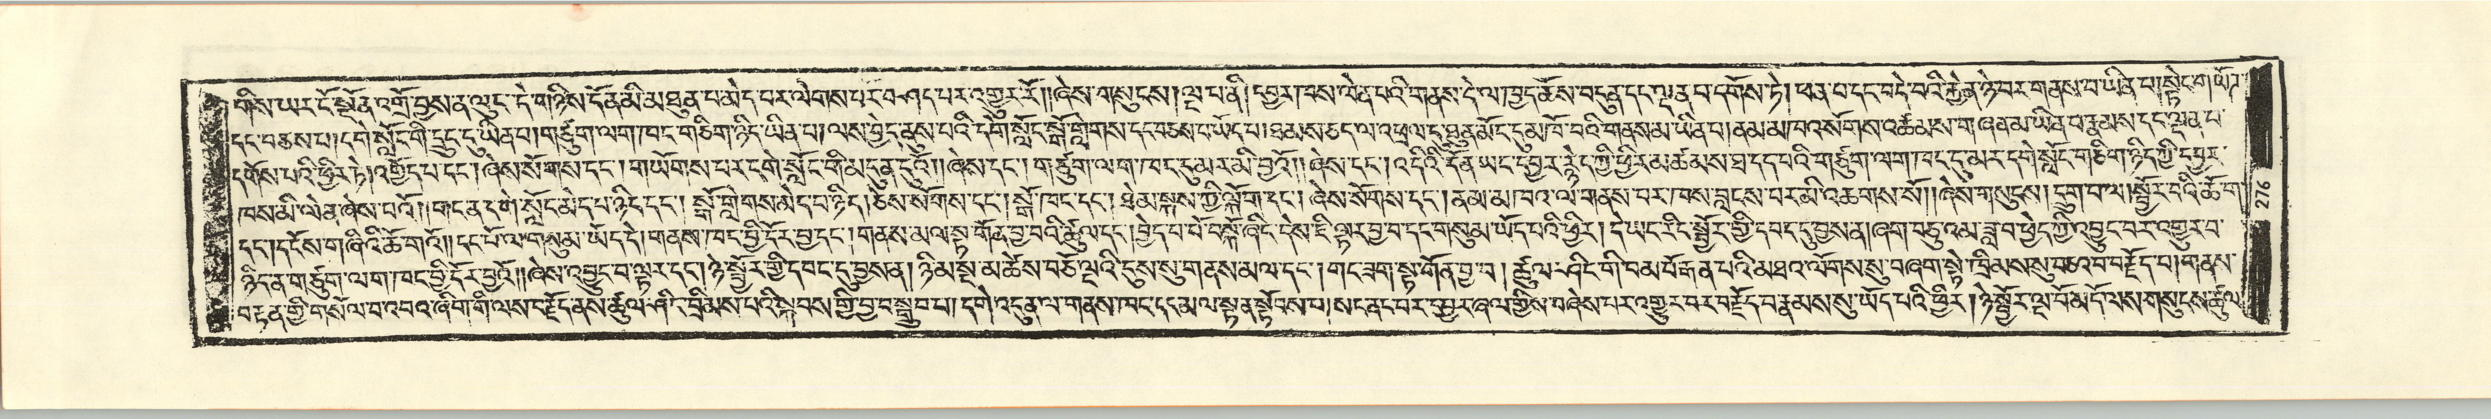གིས་ཡར་ངོ་སྔོན་འགྲོ་བྱས་ན་ལུང་དེ་གཉིས་དོན་མི་མཐུན་པ་མེད་པར་ལེགས་པར་བཤད་པར་འགྱུར་རོ། །ཞེས་གསུངས། ལྔ་པ་ནི། དབྱར་ཁས་ལེན་པའི་གནས་དེ་ལ་ཁྱད་ཆོས་བདུན་དང་ལྡན་པ་དགོས་ཏེ། ཕན་པ་དང་བདེ་བའི་རྐྱེན་ཉེ་བར་གནས་པ་ཡིན་པ། སྟེང་གཡོགས་
དང་བཅས་པ། དགེ་སློང་གི་དྲུང་དུ་ཡིན་པ། གཙུག་ལག་ཁང་གཅིག་ཉིད་ཡིན་པ། ལས་བྱེད་ནུས་པའི་དགེ་སློང་སྒོ་གླེགས་དང་བཅས་པ་ཡོད་པ། ཐམས་ཅད་ལ་འཕྲལ་དུ་ཐུན་མོང་དུ་མཁོ་བའི་གནས་མ་ཡིན་པ། ནམ་མཁའ་སོགས་འཚམས་གཞན་མ་ཡིན་པ་རྣམས་དང་ལྡན་པ་
དགོས་པའི་ཕྱིར་ཏེ། འགྱོད་པ་དང་། ཞེས་སོགས་དང་། གཡོགས་པར་དགེ་སློང་གི་མདུན་དུའོ། །ཞེས་དང་། གཙུག་ལག་ཁང་དུ་མར་མི་བྱའོ། །ཞེས་དང་། འདིའི་དོན་ཡང་དབྱར་རྙེད་ཀྱི་ཕྱིར་མཚམས་ཐ་དད་པའི་གཙུག་ལག་ཁང་དུ་མར་དགེ་སློང་གཅིག་ཉིད་ཀྱི་དབྱར་
ཁས་མི་ལེན་ཞེས་པའོ། །གང་ན་དགེ་སློང་མེད་པ་ཉིད་དང་། སྒོ་གླེགས་མེད་པ་ཉིད། ཅེས་སོགས་དང་། སྒོ་ཁང་དང་། ཐེམ་སྐས་ཀྱི་ལྐོག་དང་། ཞེས་སོགས་དང་། ནམ་མཁའ་ལ་གནས་པར་ཁས་བླངས་པར་མི་འཆགས་སོ། །ཞེས་གསུངས། དྲུག་པ་ལ། སྦྱོར་བའི་ཆོ་ག་
དང་། དངོས་གཞིའི་ཆོ་གའོ། །དང་པོ་ལ་གསུམ་ཡོད་དེ། གནས་ཁང་བྱི་དོར་བྱ་དང་། གནས་མལ་སྟ་གོན་བྱ་བའི་ཚུལ་དང་། བྱེད་པ་པོ་བསྐོ་ཞིང་དེས་ཇི་ལྟར་བྱ་བ་དང་གསུམ་ཡོད་པའི་ཕྱིར། དེ་ཡང་རིང་སྦྱོར་གྱི་དབང་དུ་བྱས་ན། ཞག་བཅུ་འམ་ཟླ་བ་ཕྱེད་ཀྱི་འབྱུང་བར་འགྱུར་བ་
ཉིད་ན་གཙུག་ལག་ཁང་བྱི་དོར་བྱའོ། །ཞེས་འབྱུང་བ་ལྟར་དང་། ཉེ་སྦྱོར་གྱི་དབང་དུ་བྱས་ན། ཉི་མ་སྔ་མ་ཚེས་བཅོ་ལྔའི་དུས་སུ་གནས་མལ་དང་། གང་ཟག་སྟ་གོན་བྱ་བ། ཚུལ་ཤིང་གི་བམ་བོ་རྒན་པའི་མཐའ་ལོགས་སུ་བཞག་སྟེ་ཁྲིམས་སུ་བཅའ་བ་བརྗོད་པ། གནས་
བརྟན་གྱི་གསོལ་བ་འབའ་ཞིག་གི་ལས་བརྗོད་ནས་ཚུལ་ཤིང་བྲིམས་པའི་སྐབས་གྱི་བྱ་བ་སྒྲུབ་པ། དགེ་འདུན་ལ་གནས་ཁང་དང་མལ་སྟན་སྟོབས་པ། སང་ནང་བར་དབྱར་ཞལ་གྱིས་བཞེས་པར་འགྱུར་བར་བརྗོད་བ་རྣམས་སུ་ཡོད་པའི་ཕྱིར། ཉེ་སྦྱོར་ལྔ་པོ་མདོ་ལས་གསུངས་ཚུལ་